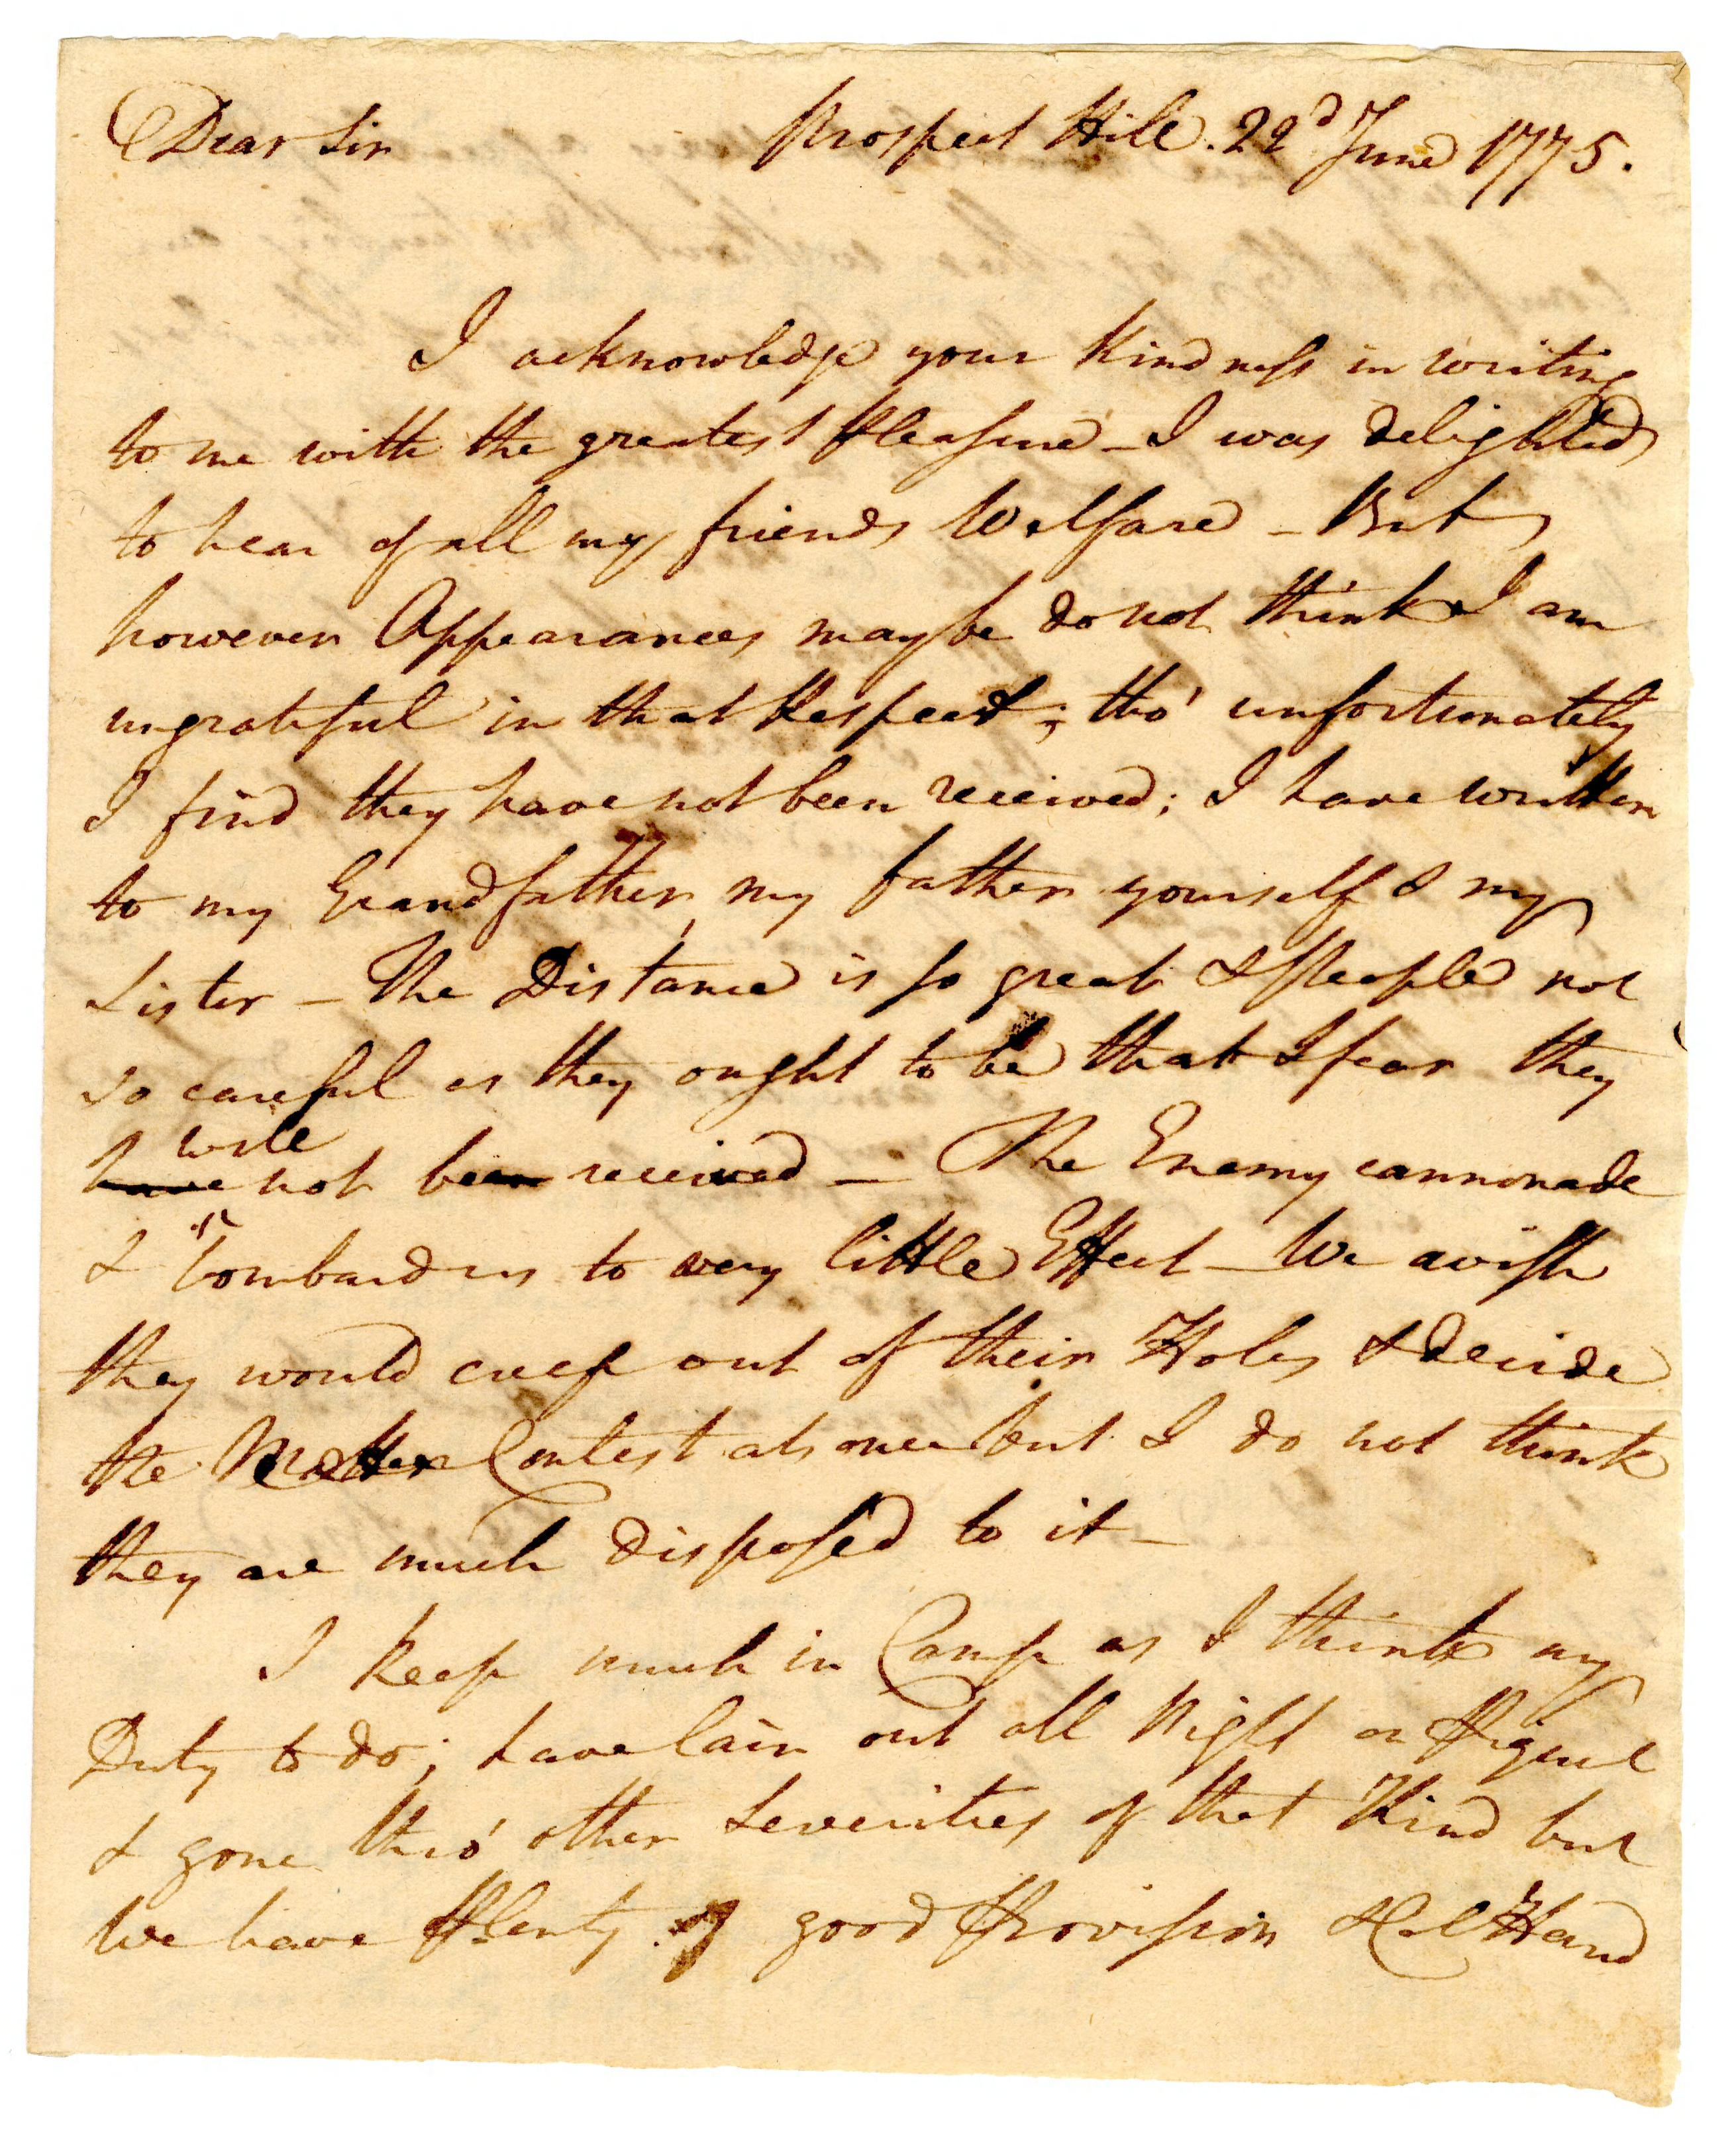Prospect Hill 22^d June 1775.
Dear Sir
I acknowledge your Kindness in writing
to me with the greatest pleasure. I was delighted
to hear of all my friends Welfare- But
however Appearances may be do not think I am
ungrateful in that Respect, tho' unfortunately
I find they have not been received; I have written
to my Grandfather, my father, yourself & my
Sister. The Distance is so great & People not
so careful as they ought to be that I fear they
will
have not been received. The Enemy cannonade
& bombardiers to very little Effect. We wish
they would cuef out of their Holes & Decide
the Matter Contest at once but I do not think
they are much disposed to it.
I keep much in Camp as I think my
Duty to do; have lain out all Night or Piquet
& gone thro' other Severities of that Kind but
We have Plenty of good provision & ColHand